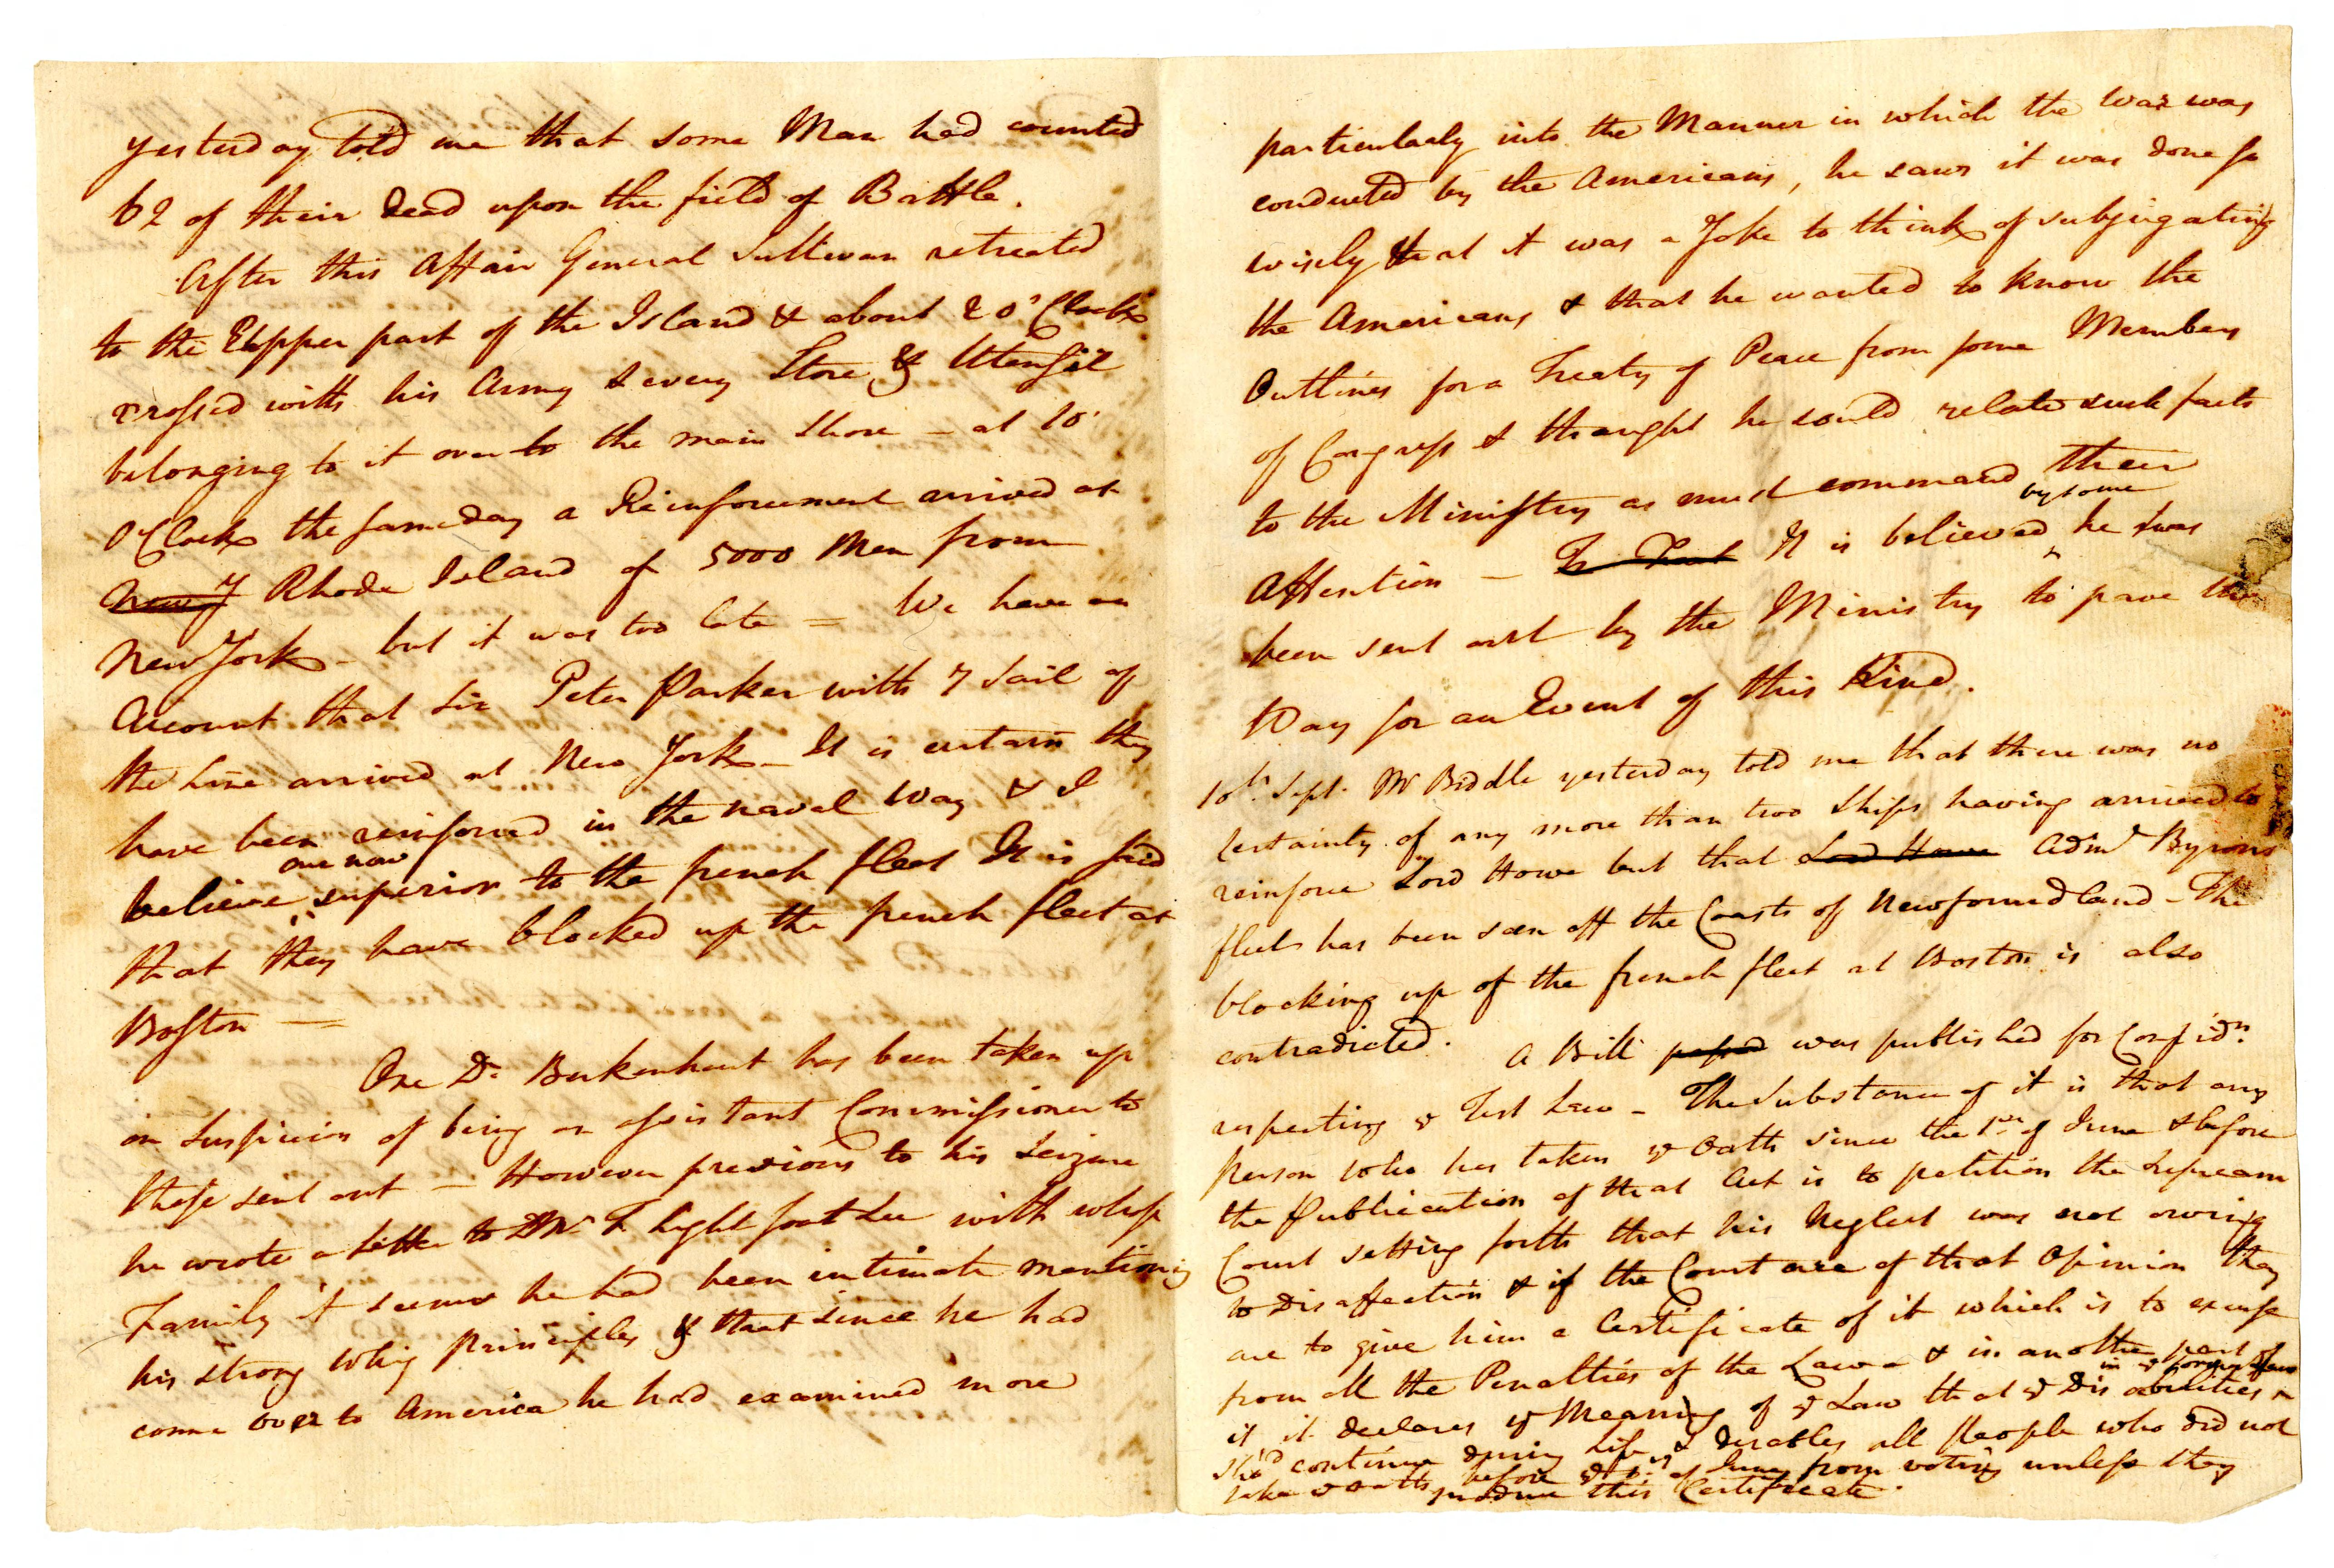yesterday told me that some Man had counted
62 of their dead upon the field of Battle.
After this Affair General Sullivan retreated
to the Elppen part of the Island & about 2 0'Clock
crossed with his Army & every store & Utensil
belonging to it over to the main Shore. at 10
O Clock the same day a Reinforciment arrived at
New Y Rhode Island of 5000 Men from
New York, but it was too late. We have an
Account that Sir Peter Parker with 7 Sail of
the Line arrived at New York. It is certain they
have been reinforced in the naval Way & I
are now
believe ^ superior to the French fleet It is said
that they have blocked up the French fleet at
Boston.
One D. Bakenhout has been taken up
on Suspicion of being an assistant Commissionate
State sent out. However previous to his Leizure
he wrote a Letter to D.W. L. Light Fort Lee with whose
family it seems he had been intimate mouting
his story why principles & that since he had
come over to America he had examined in one
particularty into the Manner in which the War was
conducted by the Americans, he says it was done so
wisely that it was a Joke to think of subjugating
the Americans & that he wanted to know the
Outlines for a Treaty of Peace from some Members
of Congress & thought he could relate such facts
by some
to the Ministry as much command their
Attention. In Truth It is believed ^ he has
been sent all by the Ministry to pave to
Way for an Event of this Kind.
10^th. Sept. M^r Biddle yesterday told me that there was no
Certainty of any more than two Ships having arrived to
reinforce Lord Howe but that Lord Howe Adm^l Byron's
fleets has been seen off the Coasts of Newfoundland.The
blocking up of the French fleet at Boston is also
contradicted.
A Bill passed was published for Confed^n.
expecting y^e Test Law. The Substance of it is that any
Person who has taken y^e Oath since the 1^st of June & before
the Publication of that Act is to petition the Supream
Court setting forth that his Neglect was not owing
to Disaffection &if the Court are of that Opinion they
are to give him a Certificate of it which is to excuse
from all the Penalties of the Law & in another part of
in y^e former Laws
it, it declares y^e Meaning of y^e Law that y^e Disabilities ^
sho^d continue during Life & disables all people who did not
take oaths before y^e 1^st of June from voting unless they
produce this Certificate